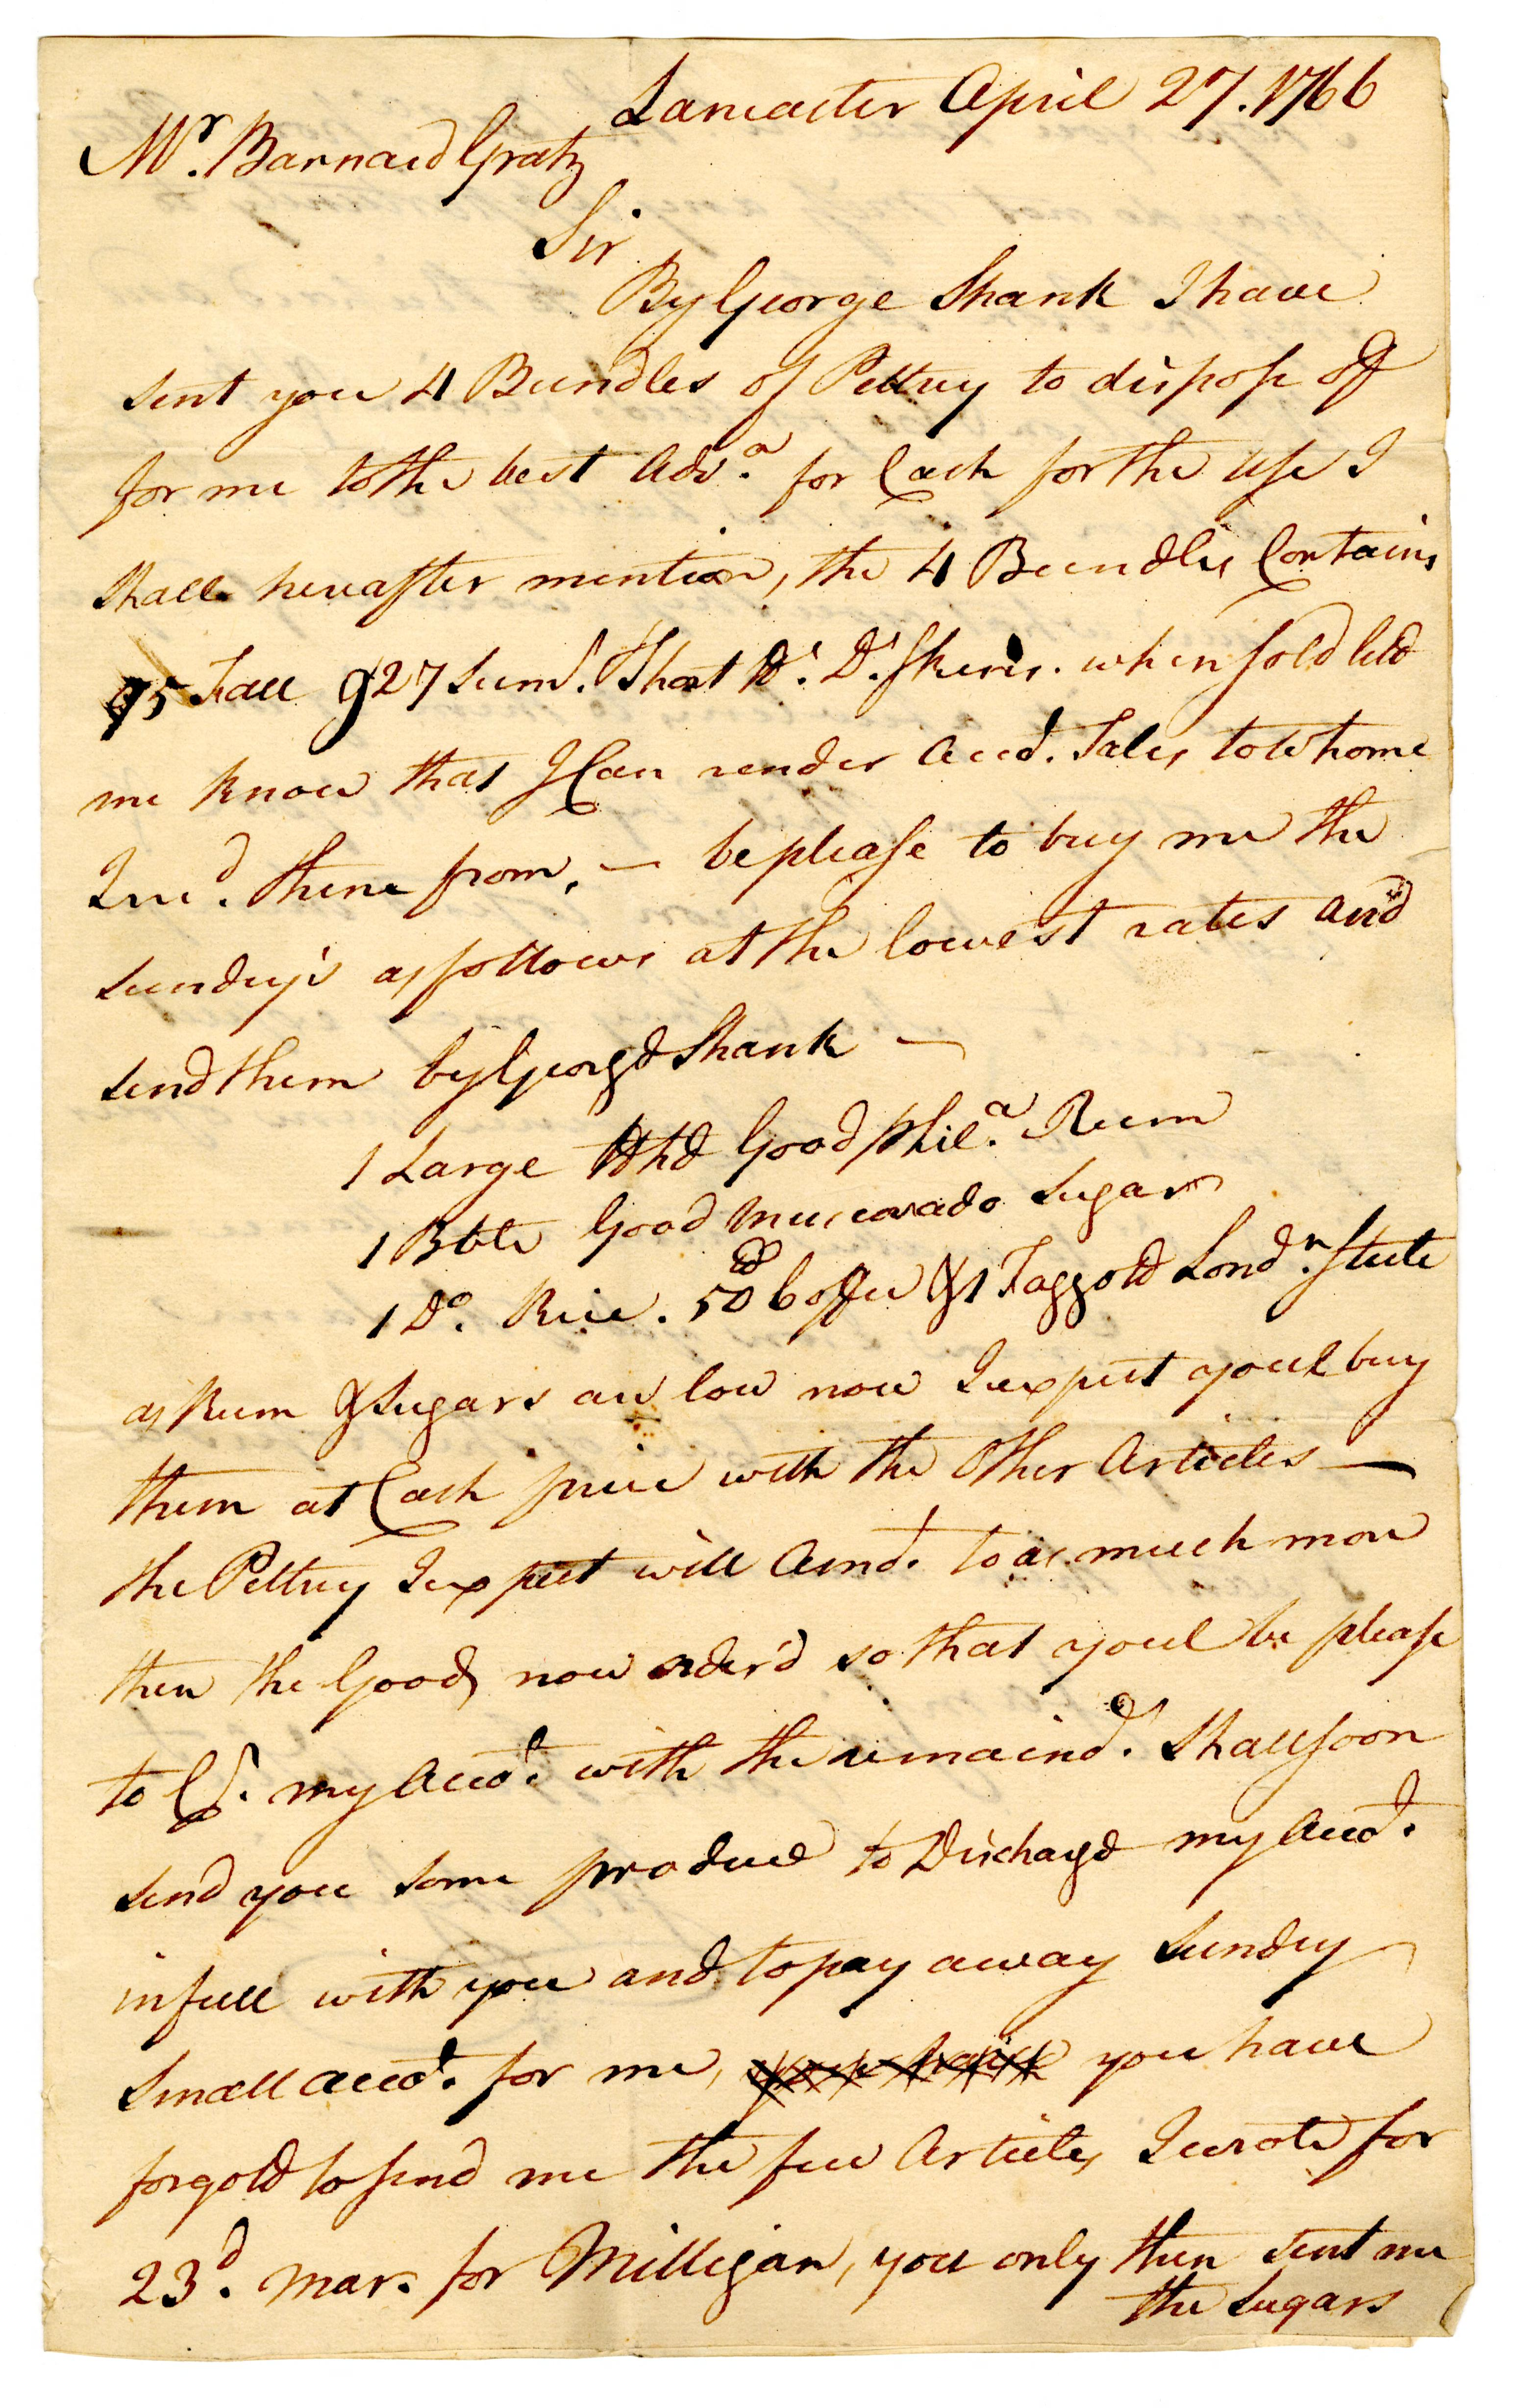Lancaster April 27. 1766
M^r. Barnard Gratz
Sir
By George Shank I have
sent you 4 Bundles of Pottry to dispose of
for me to the best Adv^e. for Cash for the use I
Shall hereafter mention, the 4 Bundles Contain
95 Fall 927 Sens. sum^t. That D^o. D^o. Skins. when sold leld
me know that I Can render Accot. Sales to be home
Inc^d. there from.- be please to buy me the
Sundrys as follows at the lowest rates and
Send them by George Shank-
1 Large Hhd Good Phil^a Rum
1 Btle Good muscovado Sugar
1 D^o Rice, 50^lb Coffee & 1 Taggold Lond^n. Fleece
as Rum & Sugars are low now I expect youl buy
them at Cash price with the other Articles-
the Pottry I expect will Am^t. To as much more
then the Goods now order'd so that youl be please
to C^t. my Acco^t with the remaind^r. Shall soon
send you some produce to Discharge my acco^t
infull with you and to pay away sundry
Small acco^t. for me, [______] you have
forgotd to send me the few Articles I wrote for
23^d. mar. for Milligan, you only the sent me
the sugars